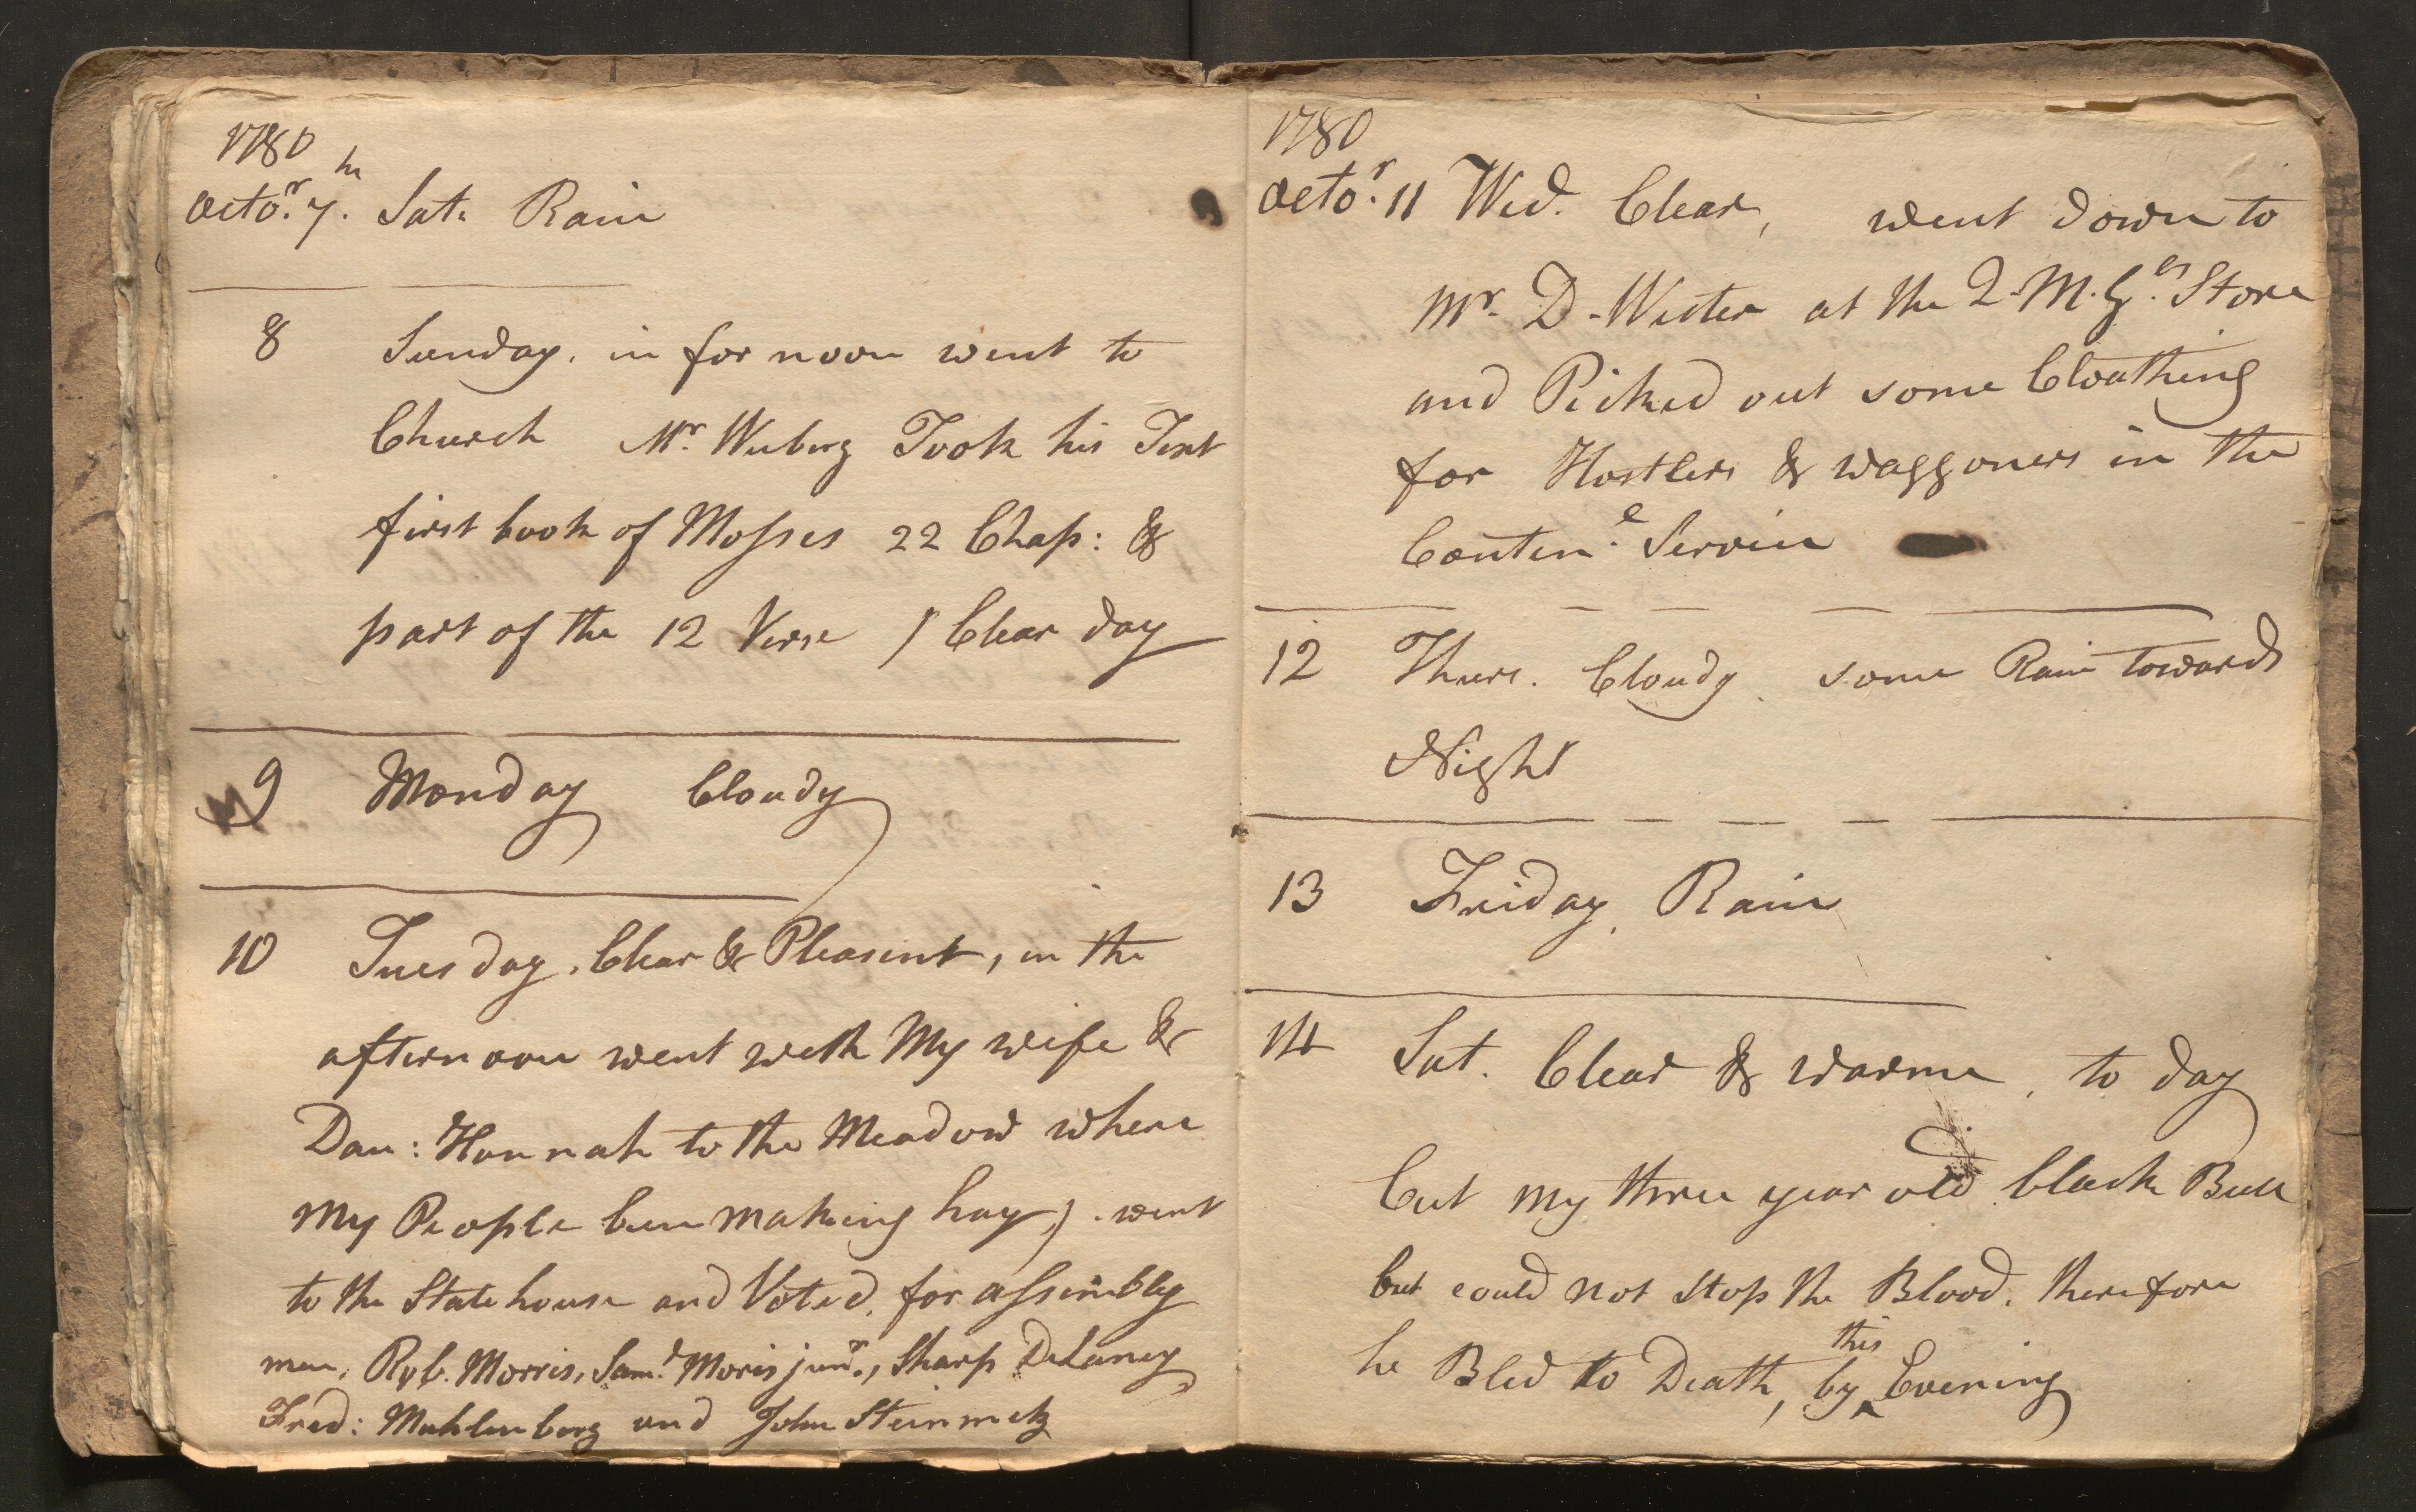1780
Octo^r. 7^th. Sat. Rain
8 Sunday, in for noon went to
Church M^r. Wuberg Took his Text
first book of Mosses 22 Chap: &
part of the 12 Verse J Clear day
Monday Cloudy
10 Tuesday. Clear & Pleasent, in the
afternoon went with My wife &
Dau: Hannah to the Meadow where
My People been making hay) went
to the State house and Voted for assembly
men, Rob. Morres, Sam^l. Moris jun^r., Sharp DeLaney
Fred. Muhlenberg and John Steinmetz
1780
Octo^r. 11 Wed. Clear went down to
M^r. D. Wester at the Q.M.G^ls. Store
and Picked out some Cloathing
for Hostlers & waggoners in the
Contin^l. Service
12 Thurs. Cloudy some Rain towards
Night
13 Friday Rain
141
Sat. Clear & Warme to day
Cut my three year old black Bull
but could not stop the Blood. there fore
this
he Bled to Death by ^ Evening